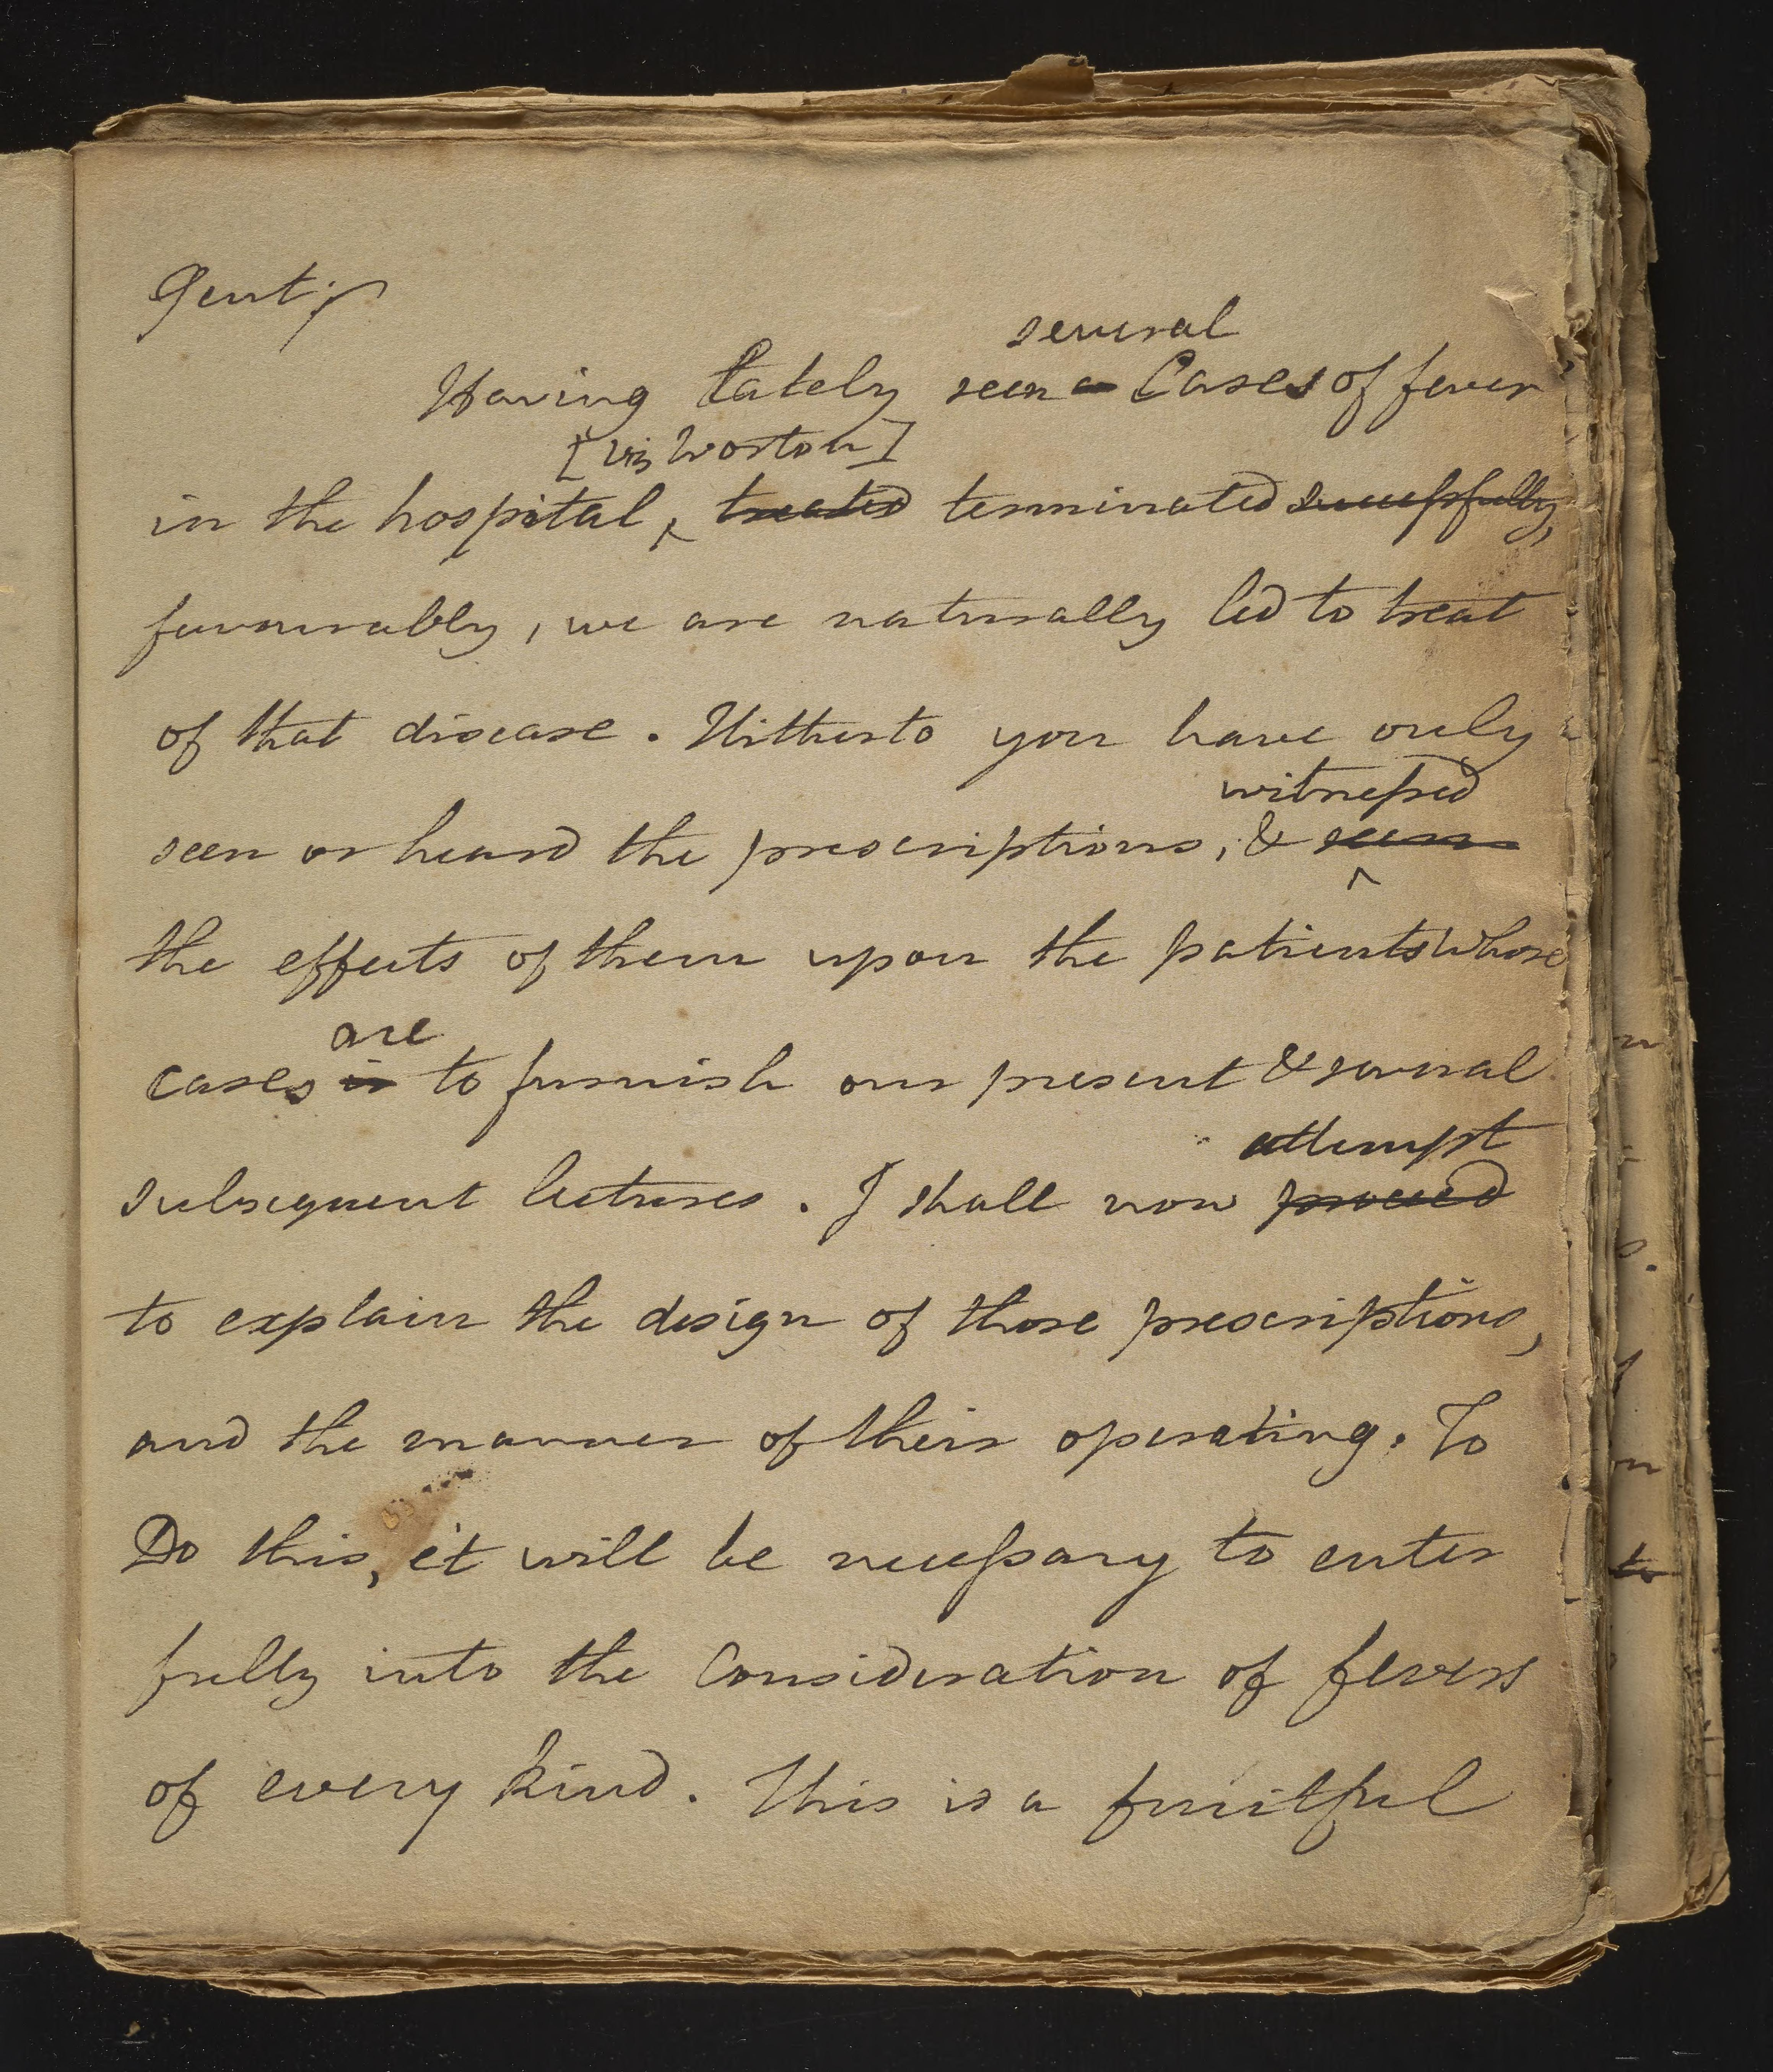Gent.
several
Having lately seen [a] cases of fever
[viz Morton]
in the hospital ^ [treated] terminated [successfully]
favorably, we are naturally led to treat
of that disease. Hitherto you have only
witnessed
seen or heard the prescriptions, & [seen] ^
the effects of them upon the patients whose
are
cases [is] ^are to furnish our present & several
attempt
subsequent lectures. I shall now [proceed]
to explain the design of those prescriptions
and the manner of their operating. To
do this, it will be necessary to enter
fully into the consideration of fevers
of every kind. This is a fruitful